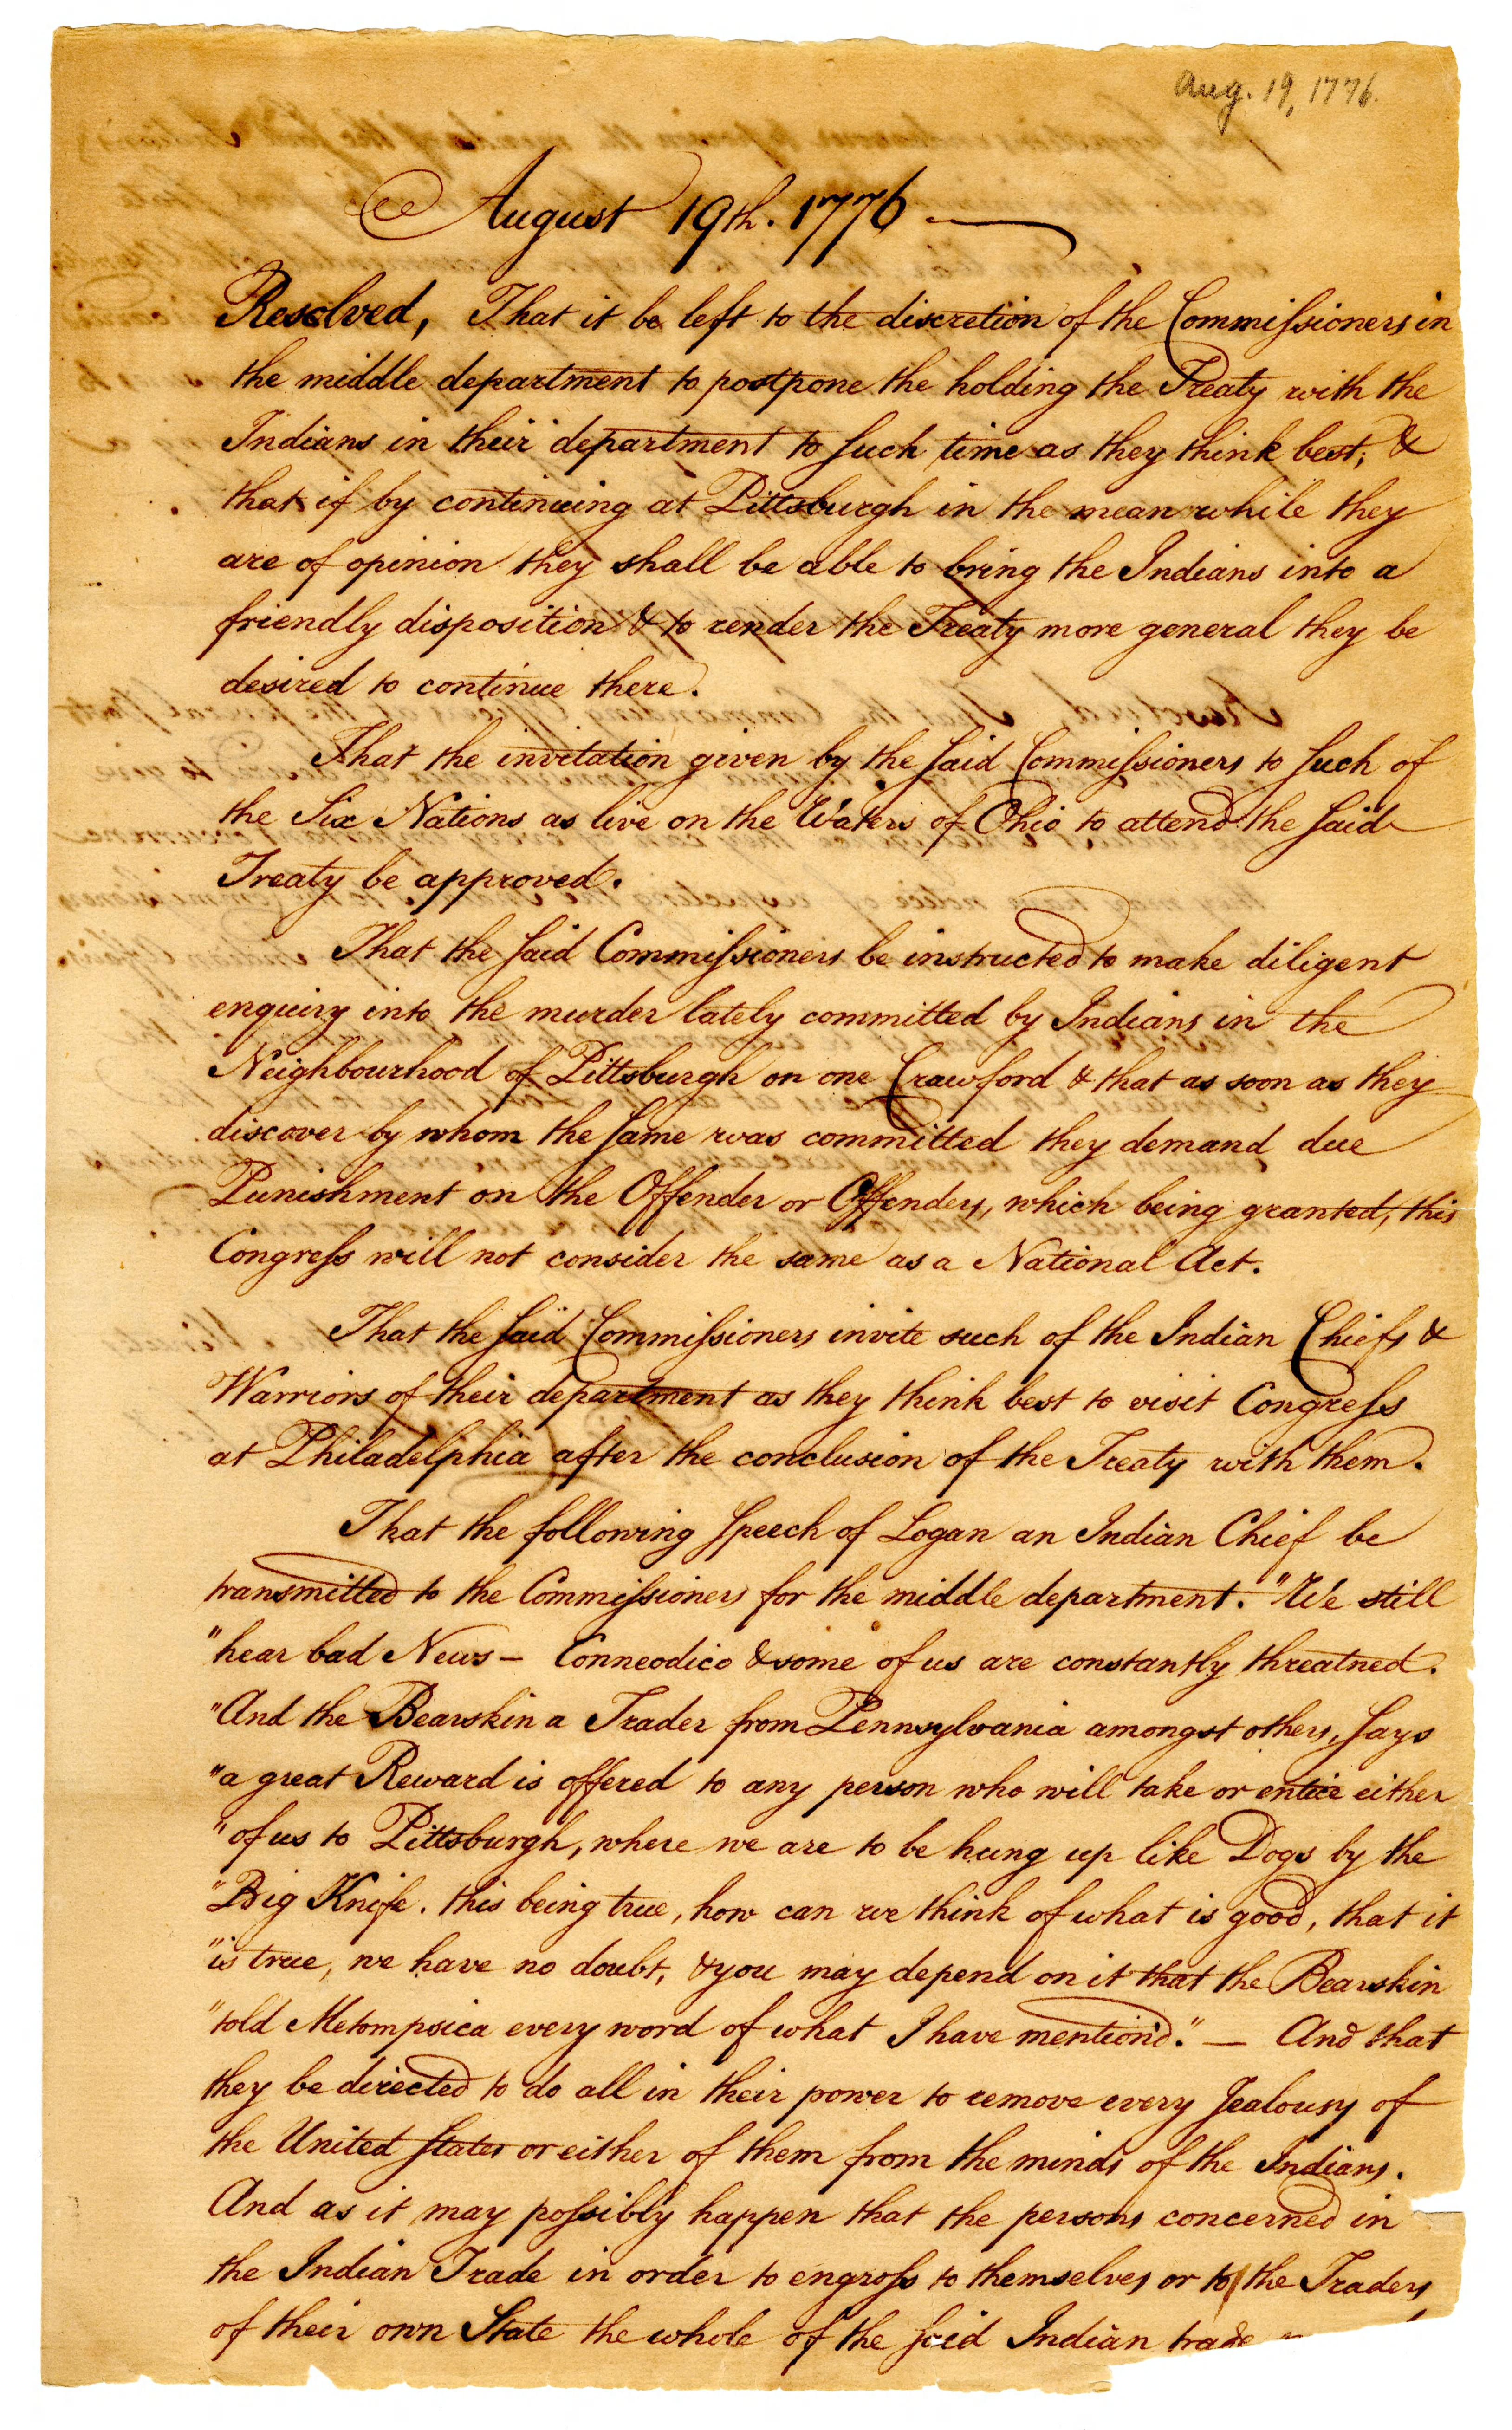August 19^th. 1776-
Resolved, That it be left to the discretion of the Commissioners in
the middle department to postpone the holding the Treaty with the
Indians in their department to such time as they think best; &
that if by continuing at Pittsburgh in the meanwhile they
are of opinion they shall be able to bring the Indians into a
friendly disposition & to render the Treaty more general they be
desired to continue there.
That the invitation given by the said Commissioners to such of
the Six Nations as live on the Waters of Ohio to attend the said
Treaty be approved.
That the said Commissioners be instructed to make diligent
enquiry into the murder lately committed by Indians in the
Neighbourhood of Pittsburgh on one Crawford & that as soon as they
discover by whom the same was committed they demand due
Punishment on the Offender or Offenders, which being granted, this
Congress will not consider the same as a National Act.
That the said Commissioners invite such of the Indian Chiefs &
Warriors of their department as they think best to visit Congress
at Philadelphia after the conclusion of the Treaty with them.
That the following Speech of Logan an Indian Chief be
transmitted to the Commissioner for the middle department. "We still
"hear bad News- Conneodico & some of us are constantly threatened.
"And the Bearskin a Trader from Pennsylvania amongst others, Says
"a great Reward is offered to any person who will take or entice either
"of us to Pittsburgh, where we are to be hung up like Dogs by the
"Big Knife. this being true, how can we think of what is good, that it
"is true, we have no doubt, & you may depend on it that the Bearskin
"told Metompsica every word of what I have mention'd."- And that
they be directed to do all in their power to remove every Jealousy of
the United States or either of them from the minds of the Indians.
And as it may possibly happen that the persons concerned in
the Indian Trade in order to engross to themselves or to the Traders,
of their own State the whole of the said Indian trade